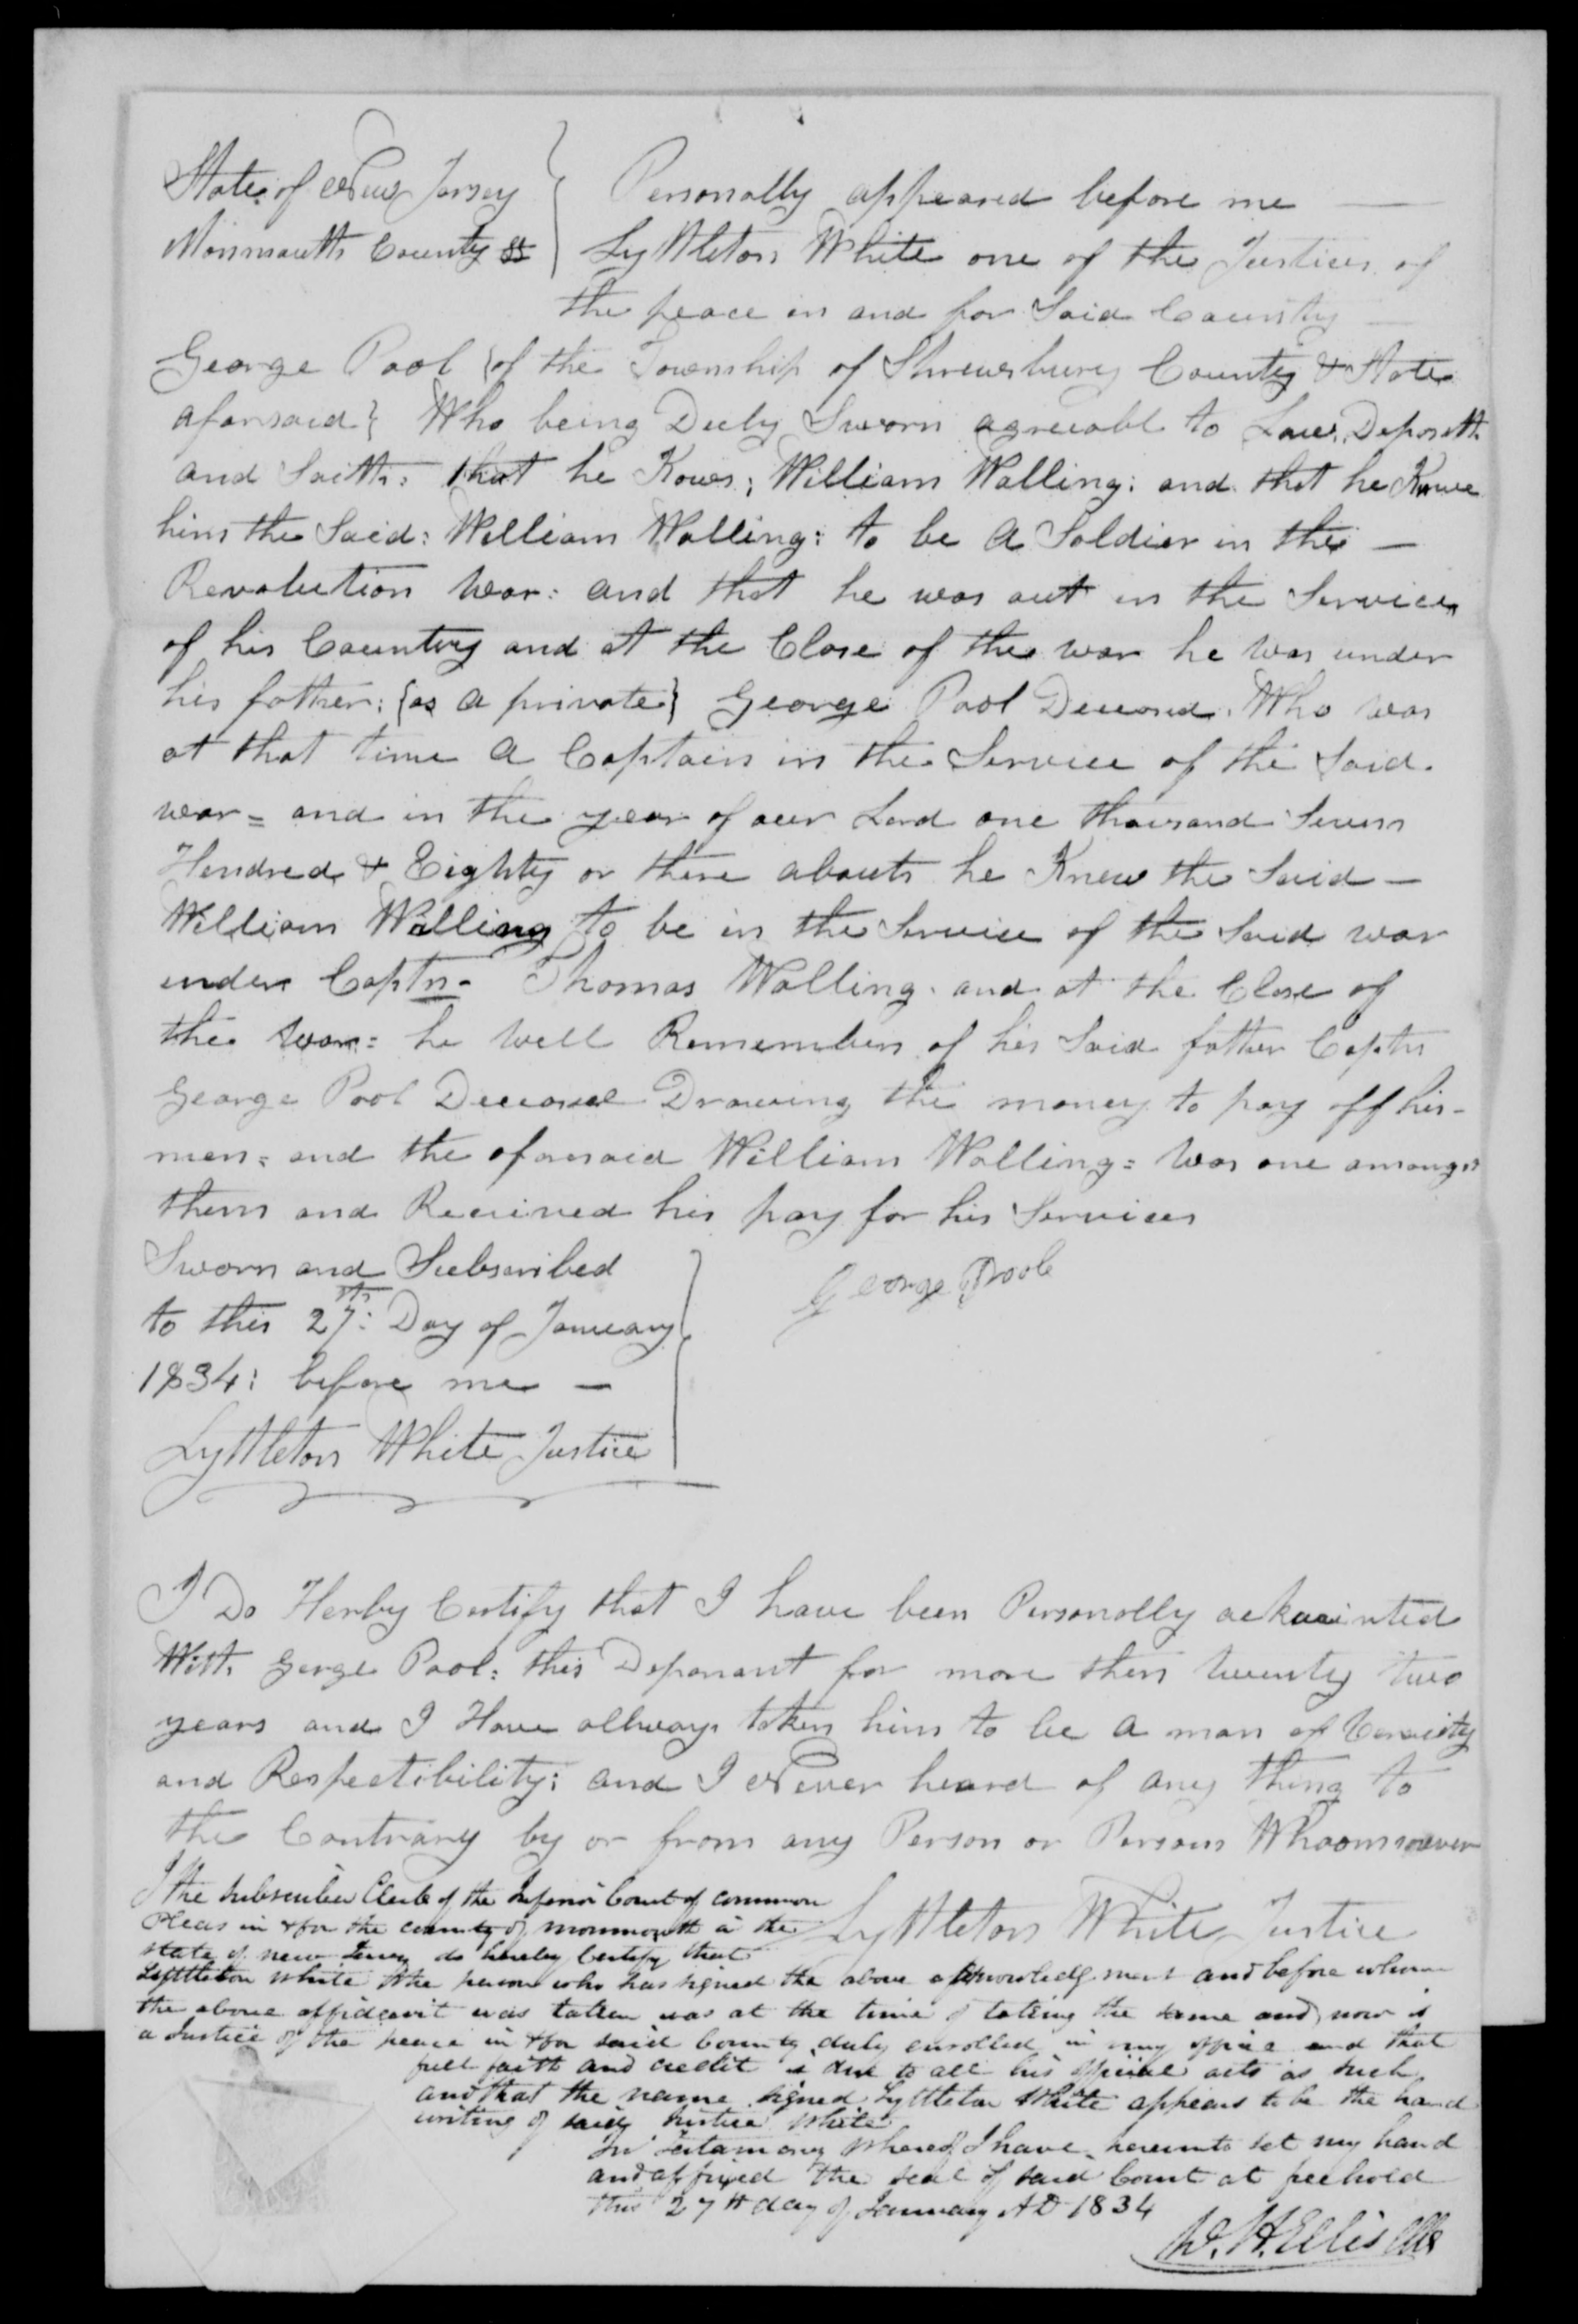State of New Jersey, Monmouth County

Personally appeared before me-- Lyttleton) White one of the justices of the peace in and for said county--
George Pool of the Township of Shrewsbury County (?) aforesaid, who being duly sworn agreeable to Law. D(uncertain name) and Smith; that he knows; William walling; and that he knows him, the said: William Walling, to be a soldier in the Revolution War; and that he was out in the service of his country and at the close of the war he was under his father (as a private): George Pool Deceased who was at that time a captain in the Service of the said war= and in the year of our Lord one thousand seven hundred and eighty or thereabouts he knew the said--William Walling to be in the service of the said war under captain Thomas Walling, and at the close of the war: he will remember of his said father captain George Pool Deceased drawing the money to pay off his men and the aforesaid william walling was one amongst them and received his pay for his services.

Sworn and subscribed to this 27th Day of January, 1834; before me---Lyttleton White Justice. (signed: George Pool)

I do hereby certify that I have been personally acquainted with George Pool: this deponent, for more than twenty-two years and I have always taken him to be a man of __ and respectability; and I never heard of anything to the contrary by or from any person or persons whomsoever. 

(signed) Lyttleton White Justice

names: George Pool, D H Ellis, Thomas Walling, George Pool, William Walling, White, William Walling, Lyttleton White, William Walling, Lyttleton White, George Pool, George Pool, William Walling, Lyttleton White, George Pool, Lyttleton White, Lyttleton White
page: 63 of 66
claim: widow's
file: W. 19588, William Walling, New Jersey